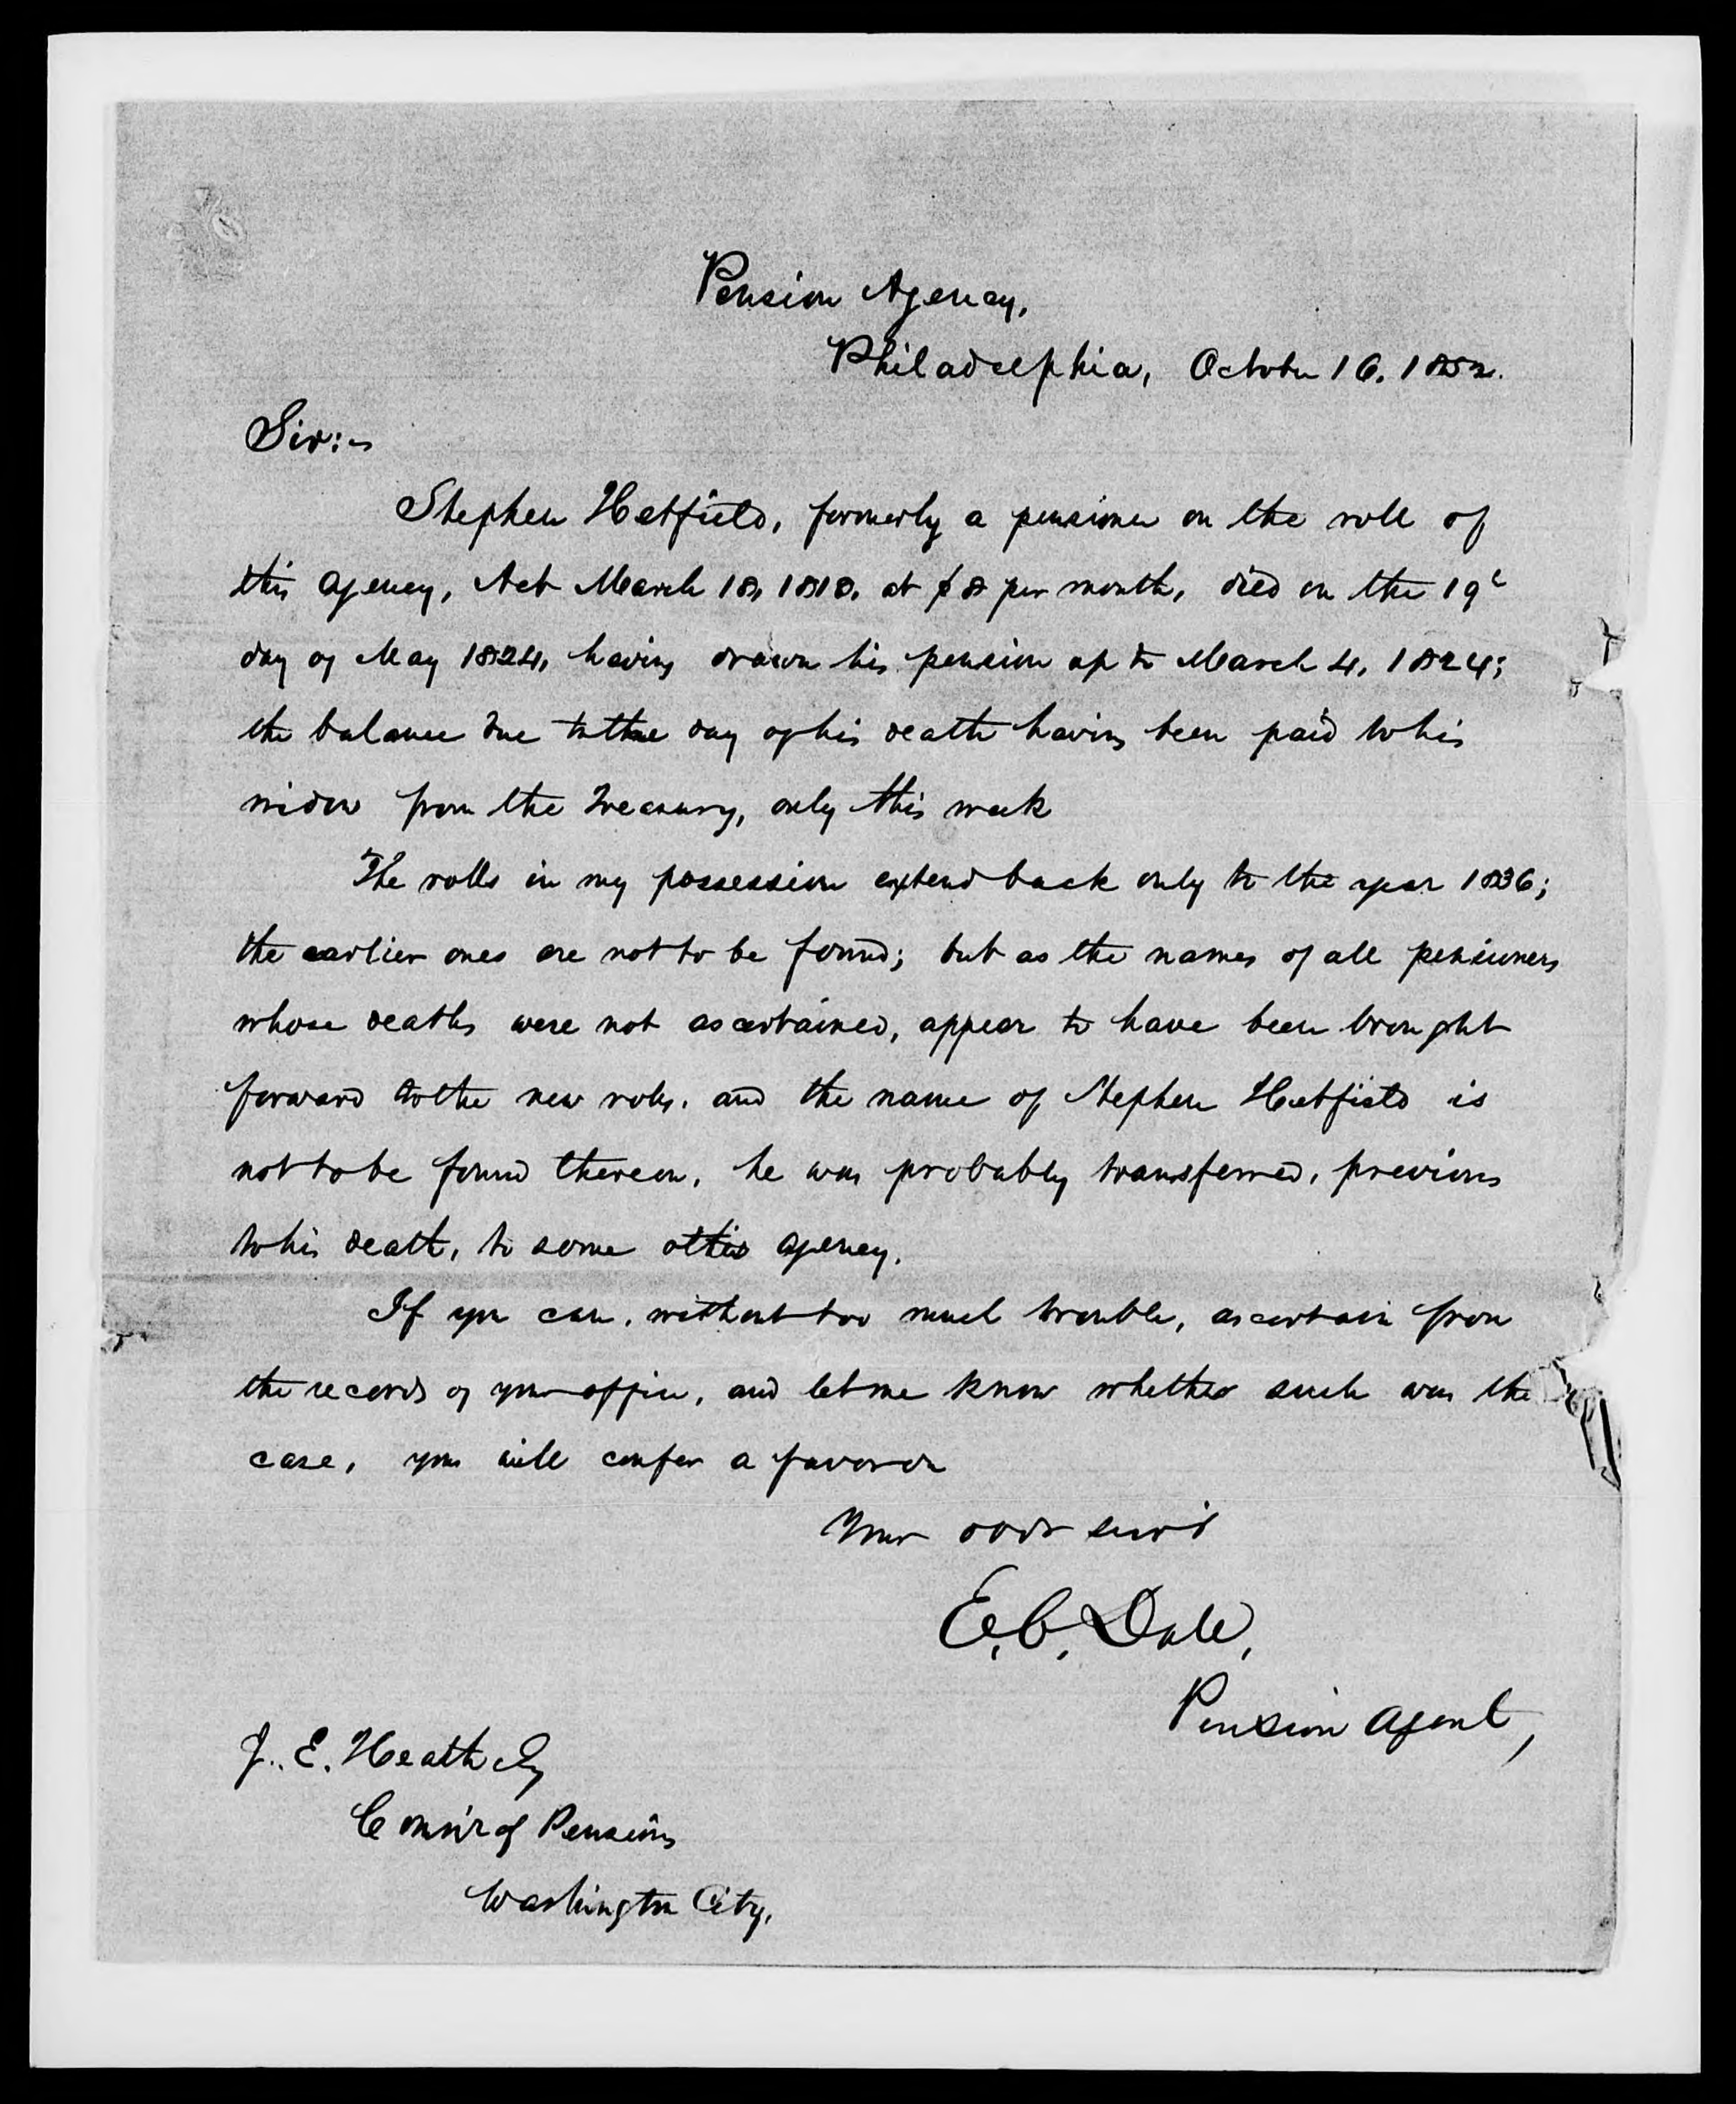Pension Agency
                                                               Philadelphia, October 16, 1852
Sir:~

Stephen Hetfield, formerly a pensioner on the roll of
this agency, Act March 18, 1818, at 08 per month, died on the 19th
day of May 1824, having drawn his pension up to March 4, 1824;
the balance due tothe day ofhisdeath having been paid tohis
widw ["o" omitted] from the Treasury, only this week
The rolls in my possession extend back only to the year 1836;
the earlier ones are not to be found; but as the names of all peniuners [transcribed as written]
Whose deaths were not ascertained, appear to have been brought
forward tothe new  rolls, and the name of Stephen Hetfield is
not tobe found therein, he was probably transferred [mark] previous
tohis death, to some other agency
If you can, without too much trouble, ascertain from
the records of your office, and let me know whether such was the 
case, you will confer a favouer

Your obdt servt
E C Dale
Pension Agent,

J. E. Heath [illegible 2 letters]
Comm'r of Pensions
Washington City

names: Stephen Hetfield, Stephen Hetfield, E C Dale, J E Heath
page: 43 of 45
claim: widow's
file: W. 2734, Stephen Hetfield, New Jersey